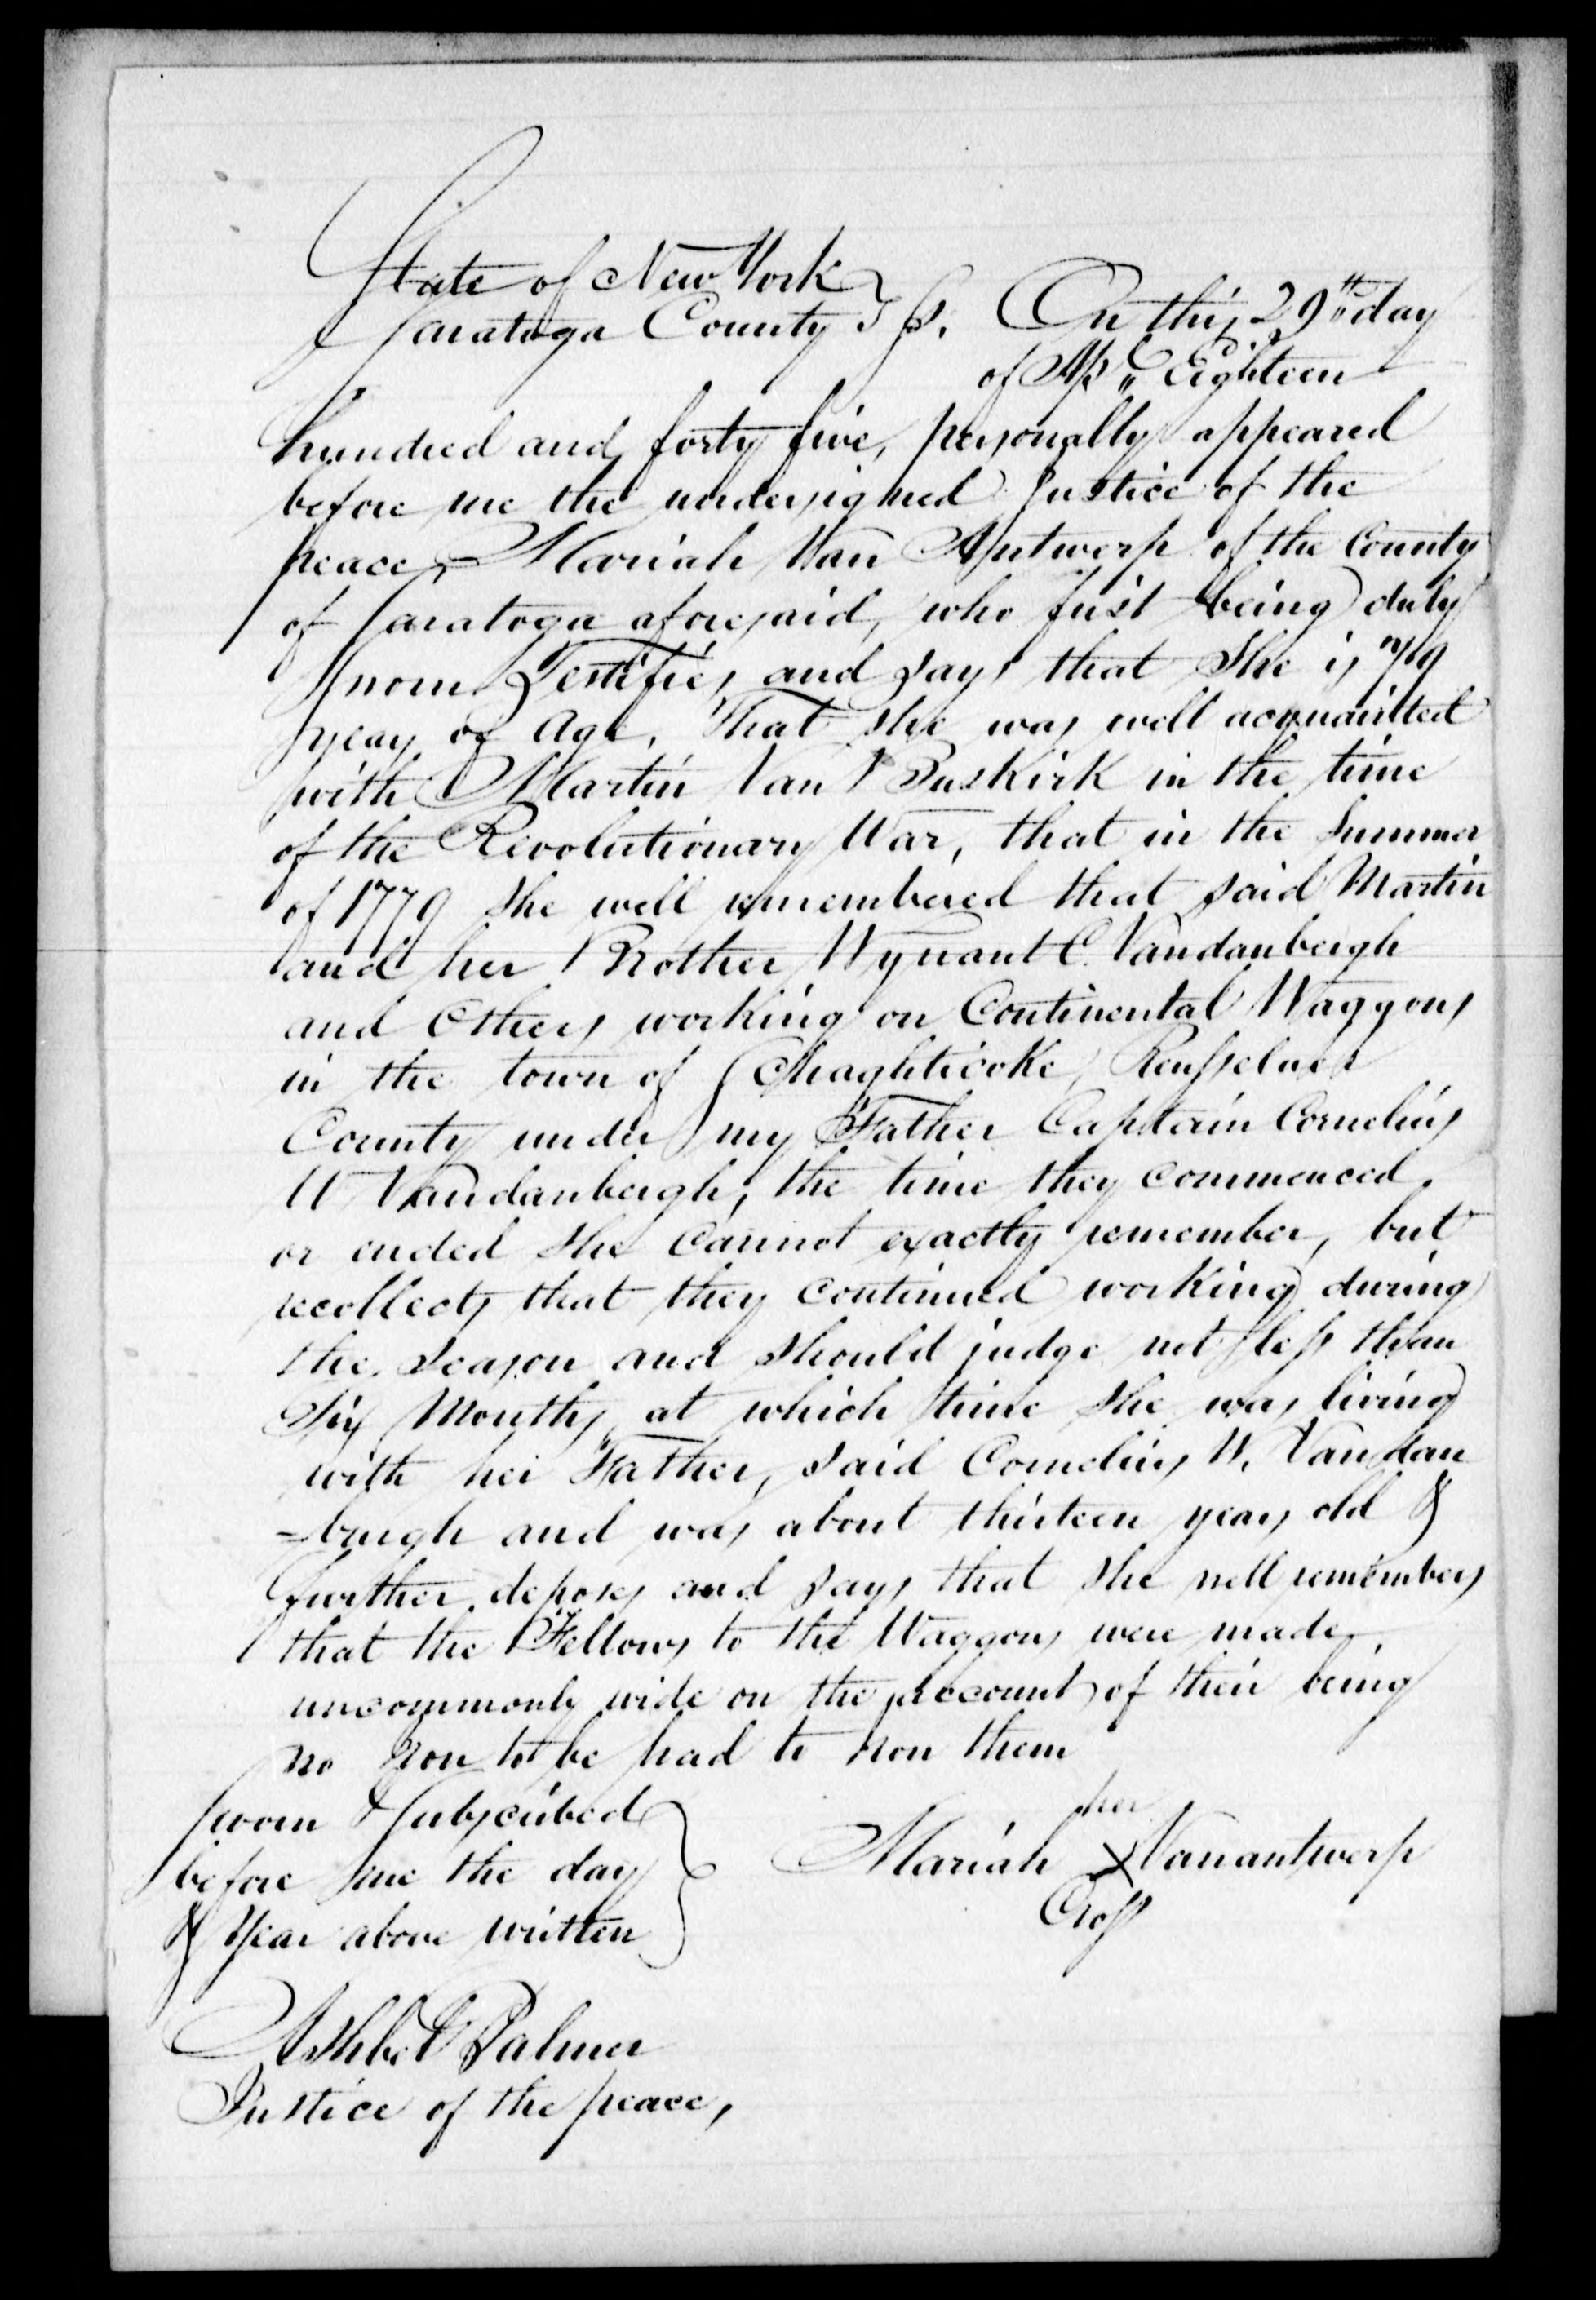State of New York
Saratoga County SS.
On this 29th day of Apl Eighteen hundred and forty five, personally appeared before me the undersigned Justice of the peace Mariah Van Antwerp of the County of Saratoga aforesaid, who first being duly sworn Testifies and say that she is 79 years of age, that she was well acquainted with Martin Van Buskirk in the time
of the Revolutionary War, that in the Summer
of 1779 she well remembered that said Martin
and her Brother Wynant C. Vandenbergh and others working on Continental Waggons in the town of Shaghticoke Rensselaer County under my Father Captain Cornelius W. Vandanbergh, the time they commenced or ended she cannot exactly remember, but
recollects that they continued working during the season and should judge not less than six months, at which time she was living with her Father, said Cornelinus W. Vandanbergh and was about thirteen years old  & further deposes and says that she well remembers that the fellows to the Waggons were made uncommonly wide on the account of their being no one to be had to run them
Mariah X her Cross Vanantwerp

Sworn & subscribed before me the day & year above written
Ashbel Palmer [signature]
Justice of the peace,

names: Mariah Vanantwerp, Cornelius W Vandanbergh, Cornelius W Vandanburgh, Martin Van Buskirk, Wynant C Vandanbergh, Mariah Van Antwerp, Martin, Ashbel Palmer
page: 12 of 70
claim: rejected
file: R. 10,832, Martin Van Buskirk, New York.